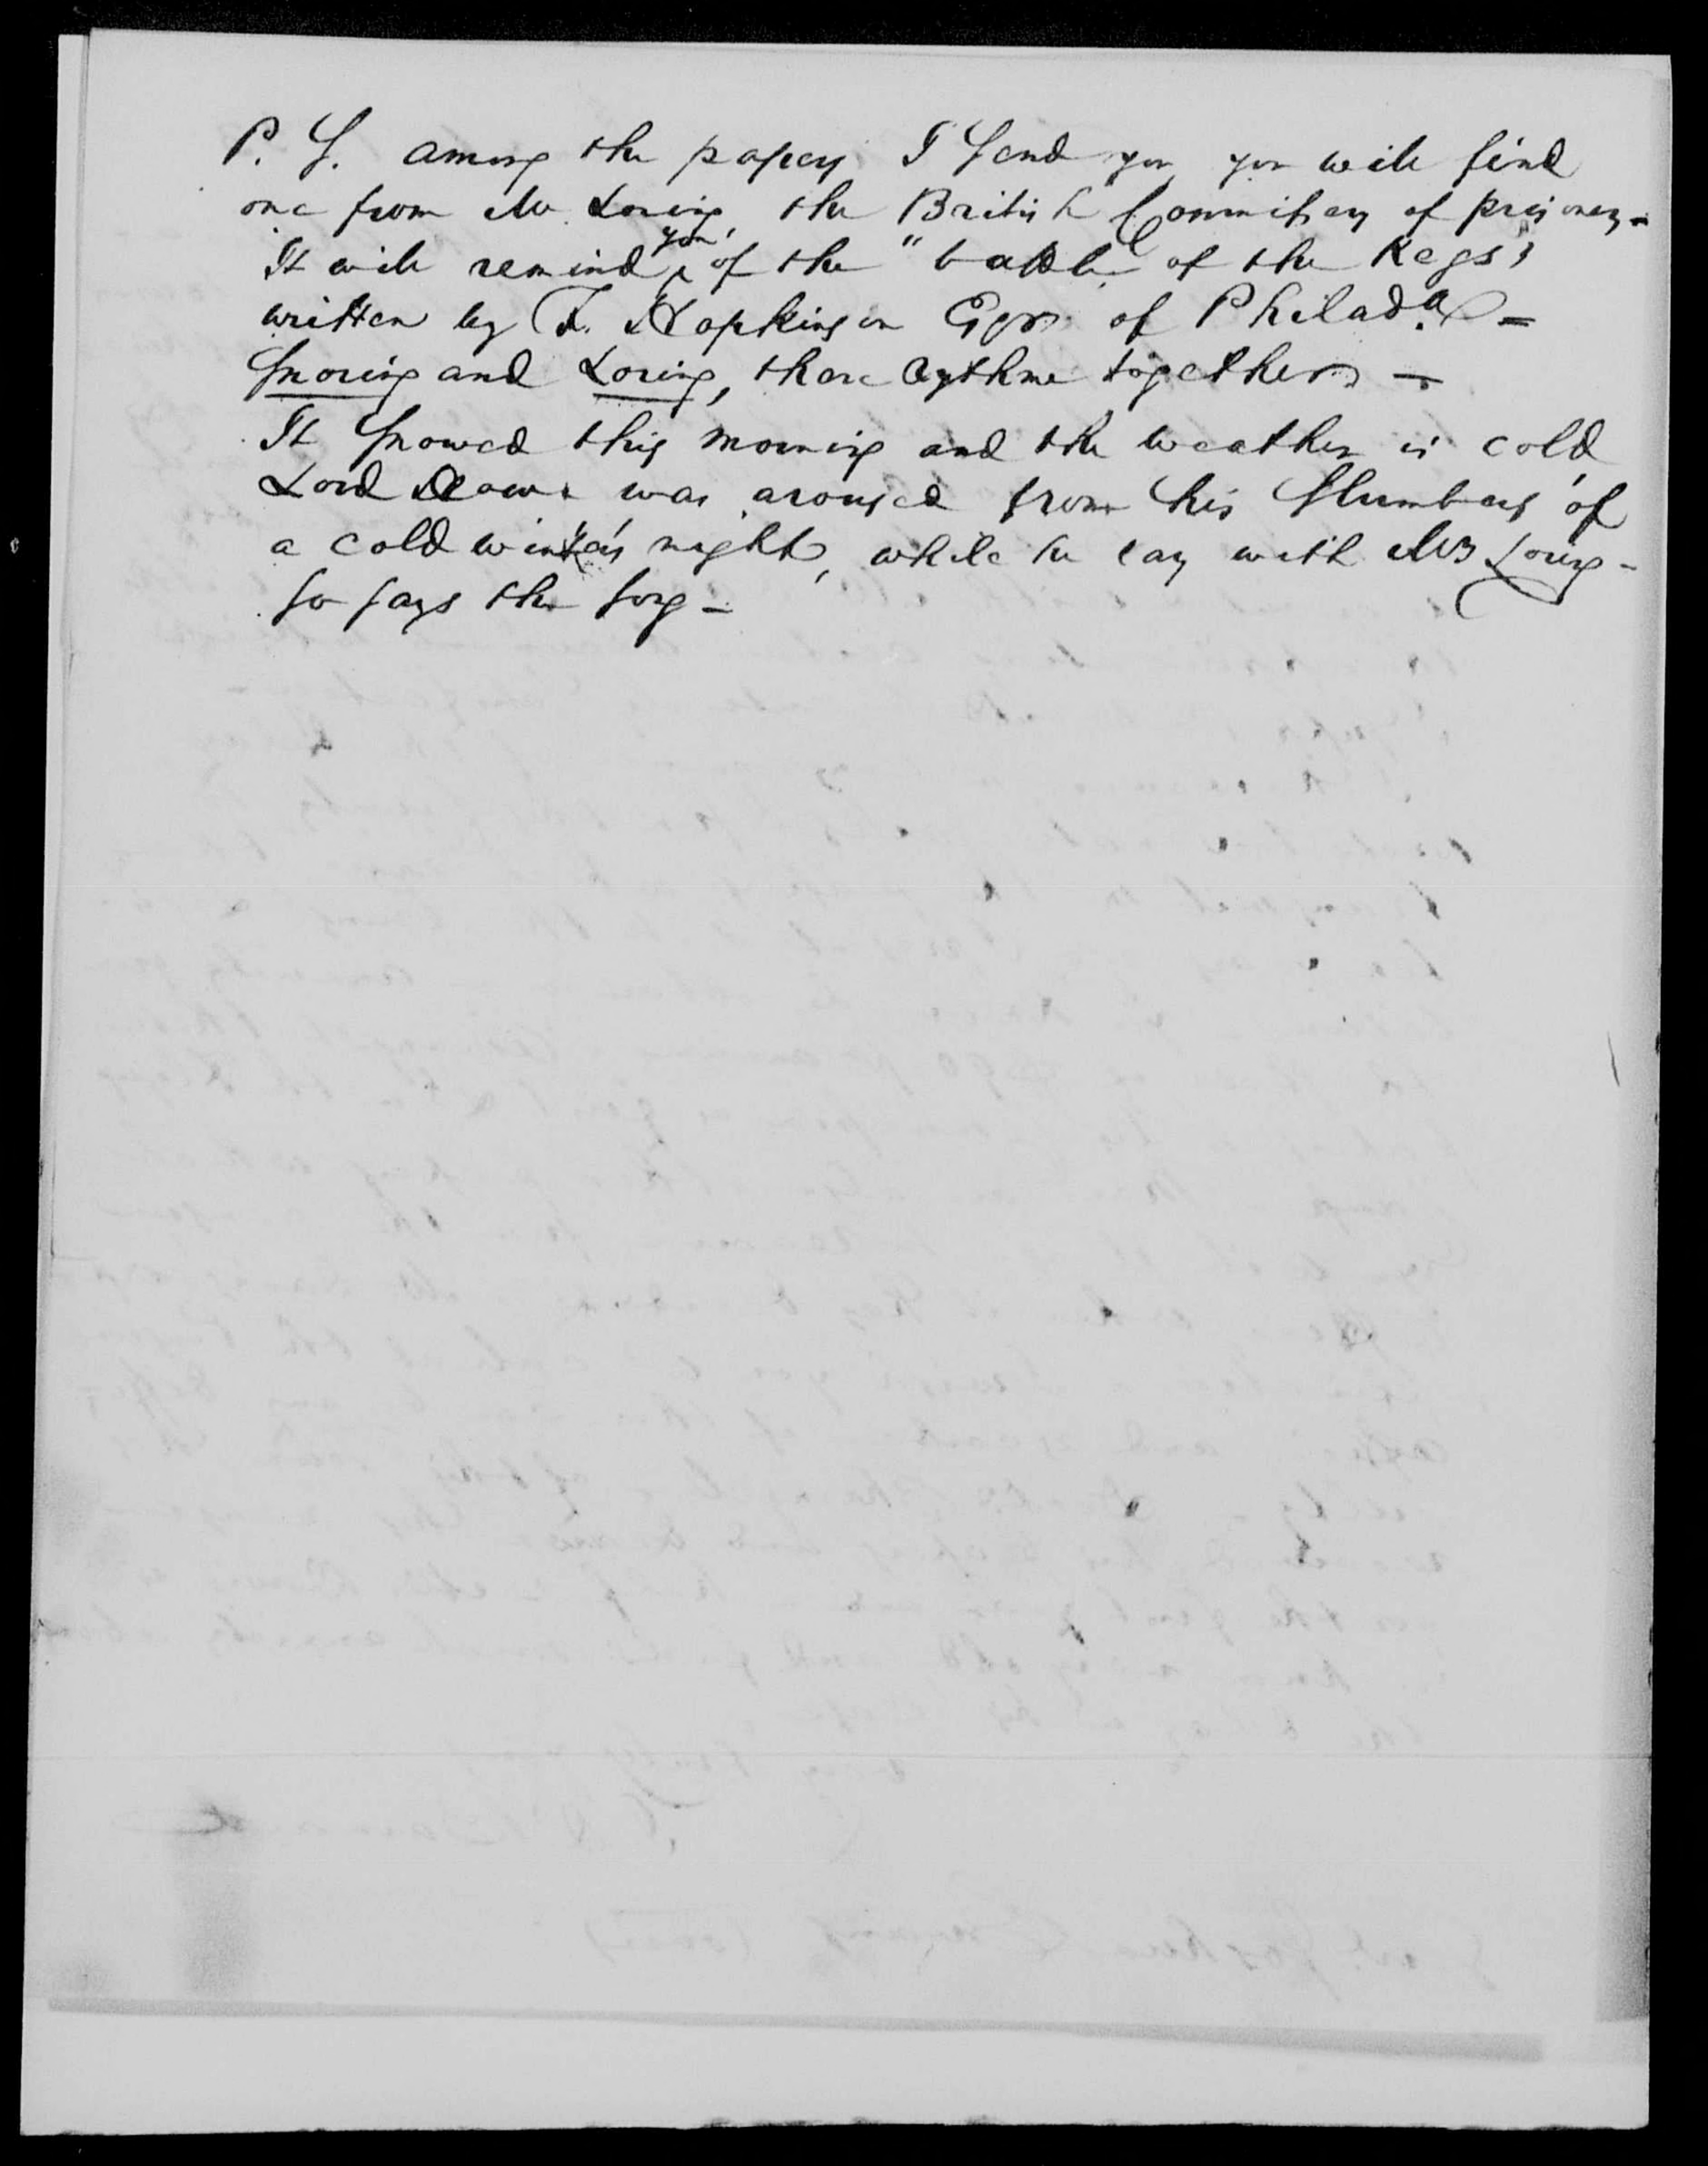P.S. Among the papers I send you, you will find
one from Mr. Loring, the British Commissary of prisoners
It will remind you of the "Battle of the kegs"
written by F Hopkinson Eqr. of Philada. [Philadelphia]
Snoring and Loring, there [illegible] together
It Snowed this morning and the weather is cold
Lord Howe was aroused from his slumbers
of a cold winters night, while the day with his Loring so says the song.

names: Loring, F Hopkinson, Loring, Loring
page: 46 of 57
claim: survivor's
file: S. 2161, Hezekiah Davies, Penn